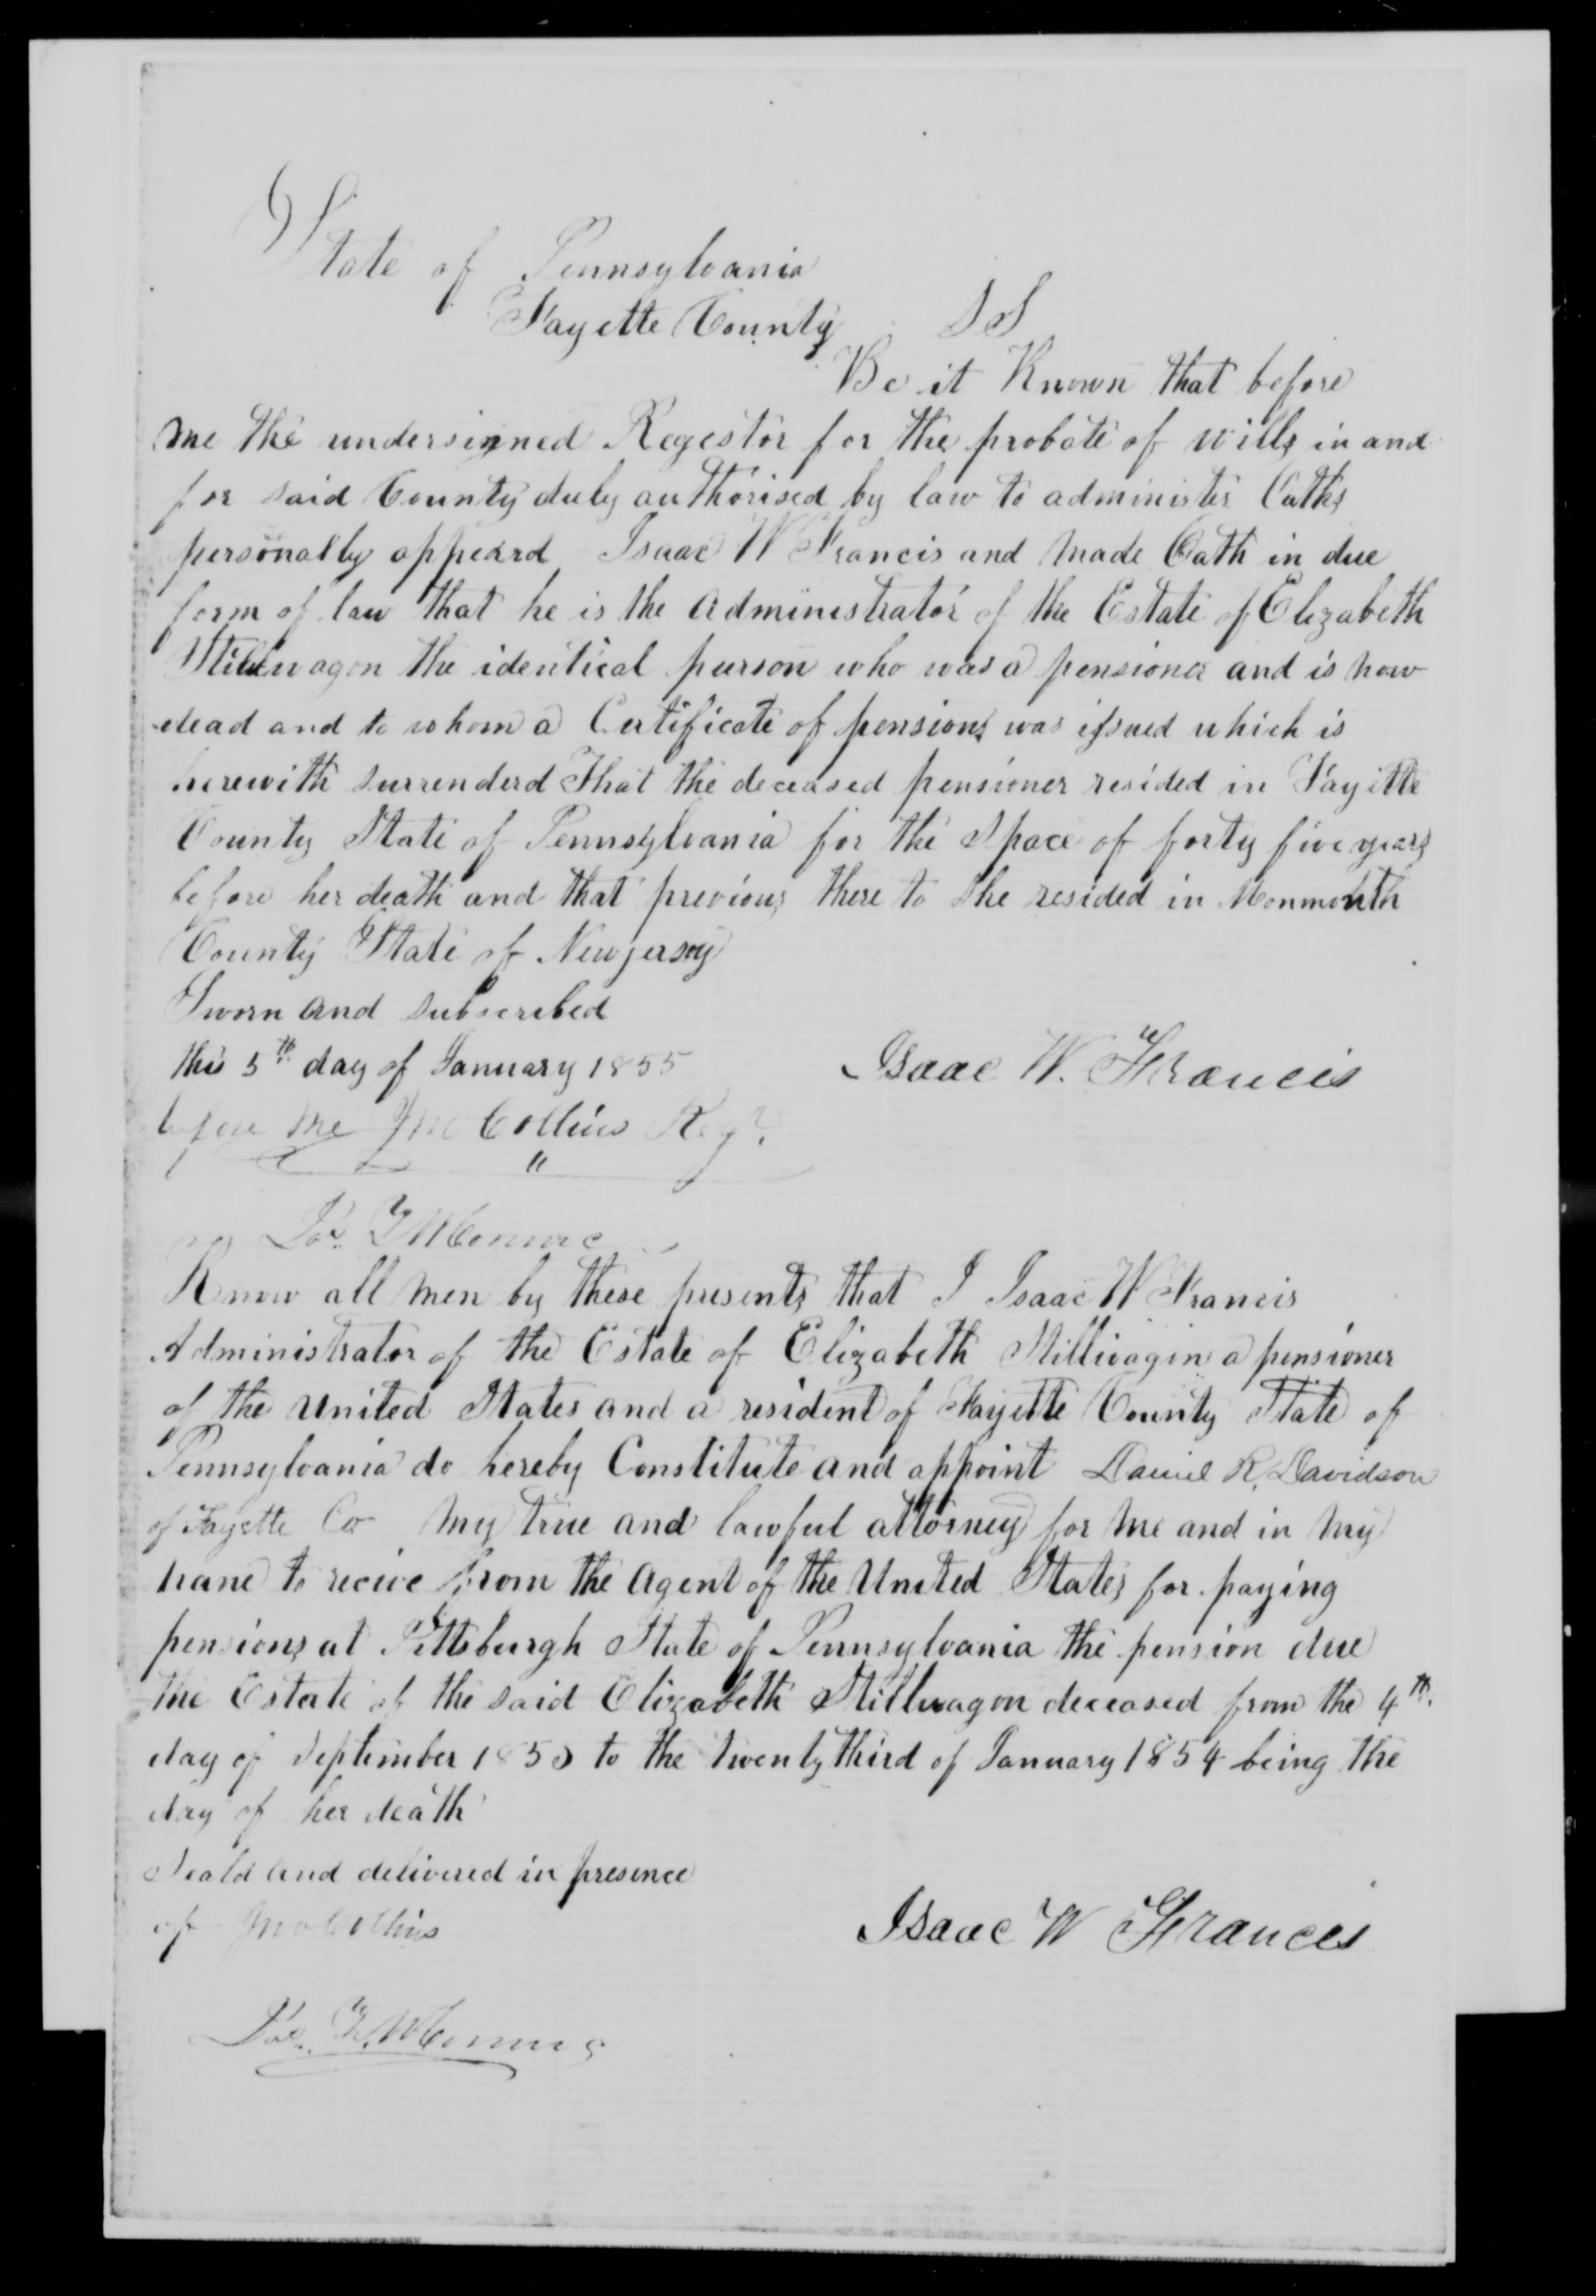State of Pennsylvania
Fayette County
Be it known that before me the undersigned Registor for the probate of wills in and for said County duly authorised [sic] by law to administer Oaths personally appeared Isaac W Francis and made Oath in due form of law that he is the administrator of the Estate of Elizabeth Stillwagon the identical person who was a pensioner and is now dead and to whom a Certificate of pension was issued which is herewith surrendered That the deceased pensioner resided in Fayette County State of Pennsylvania for the Space of forty five years before her death and that previous thereto she resided in Monmouth County State of Newjersey [sic] 
[Left side of document]
Sworn and subscribed this 5th day of January 1855 before me Wm Collins Reg
[Right side of document]
Isaac W. Francis
[Bottom half of document]
[Name illegible]
Know all men by these presents that I Isaac W. Francis Administrator of the Estate of Elizabeth Stillwaggin [sic] a pensioner of the United States and a resident of Fayette County State of Pennsylvania do hereby Constitute and appoint Daniel R. Davidson of Fayette Co. my true and lawful attorney for me and in my name to recive [sic] from the Agent of the United States for paying pensions at Pittsburgh State of Pennsylvania the pension due the Estate of the said Elizabeth Stillwagon deceased from the 4th day of September 1853 to the twenty third of January 1854 being the day of her death
Sealed and delivered in presence of Jno Collins
[name at right side] Isaac W Francis
[name at left side illegible]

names: Elizabeth Stillwagon; Isaac W Francis; Elizabeth Stillwagon; Daniel R Davidson; Isaac W Francis; Isaac W Francis; Isaac W Francis; Jas T Mc Cormic; Jas T Mc Cormic; Jno Collins; Elizabeth Stillwagon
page: 12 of 73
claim: widow's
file: W. 3197, for Peter Stillwagon, New Jersey